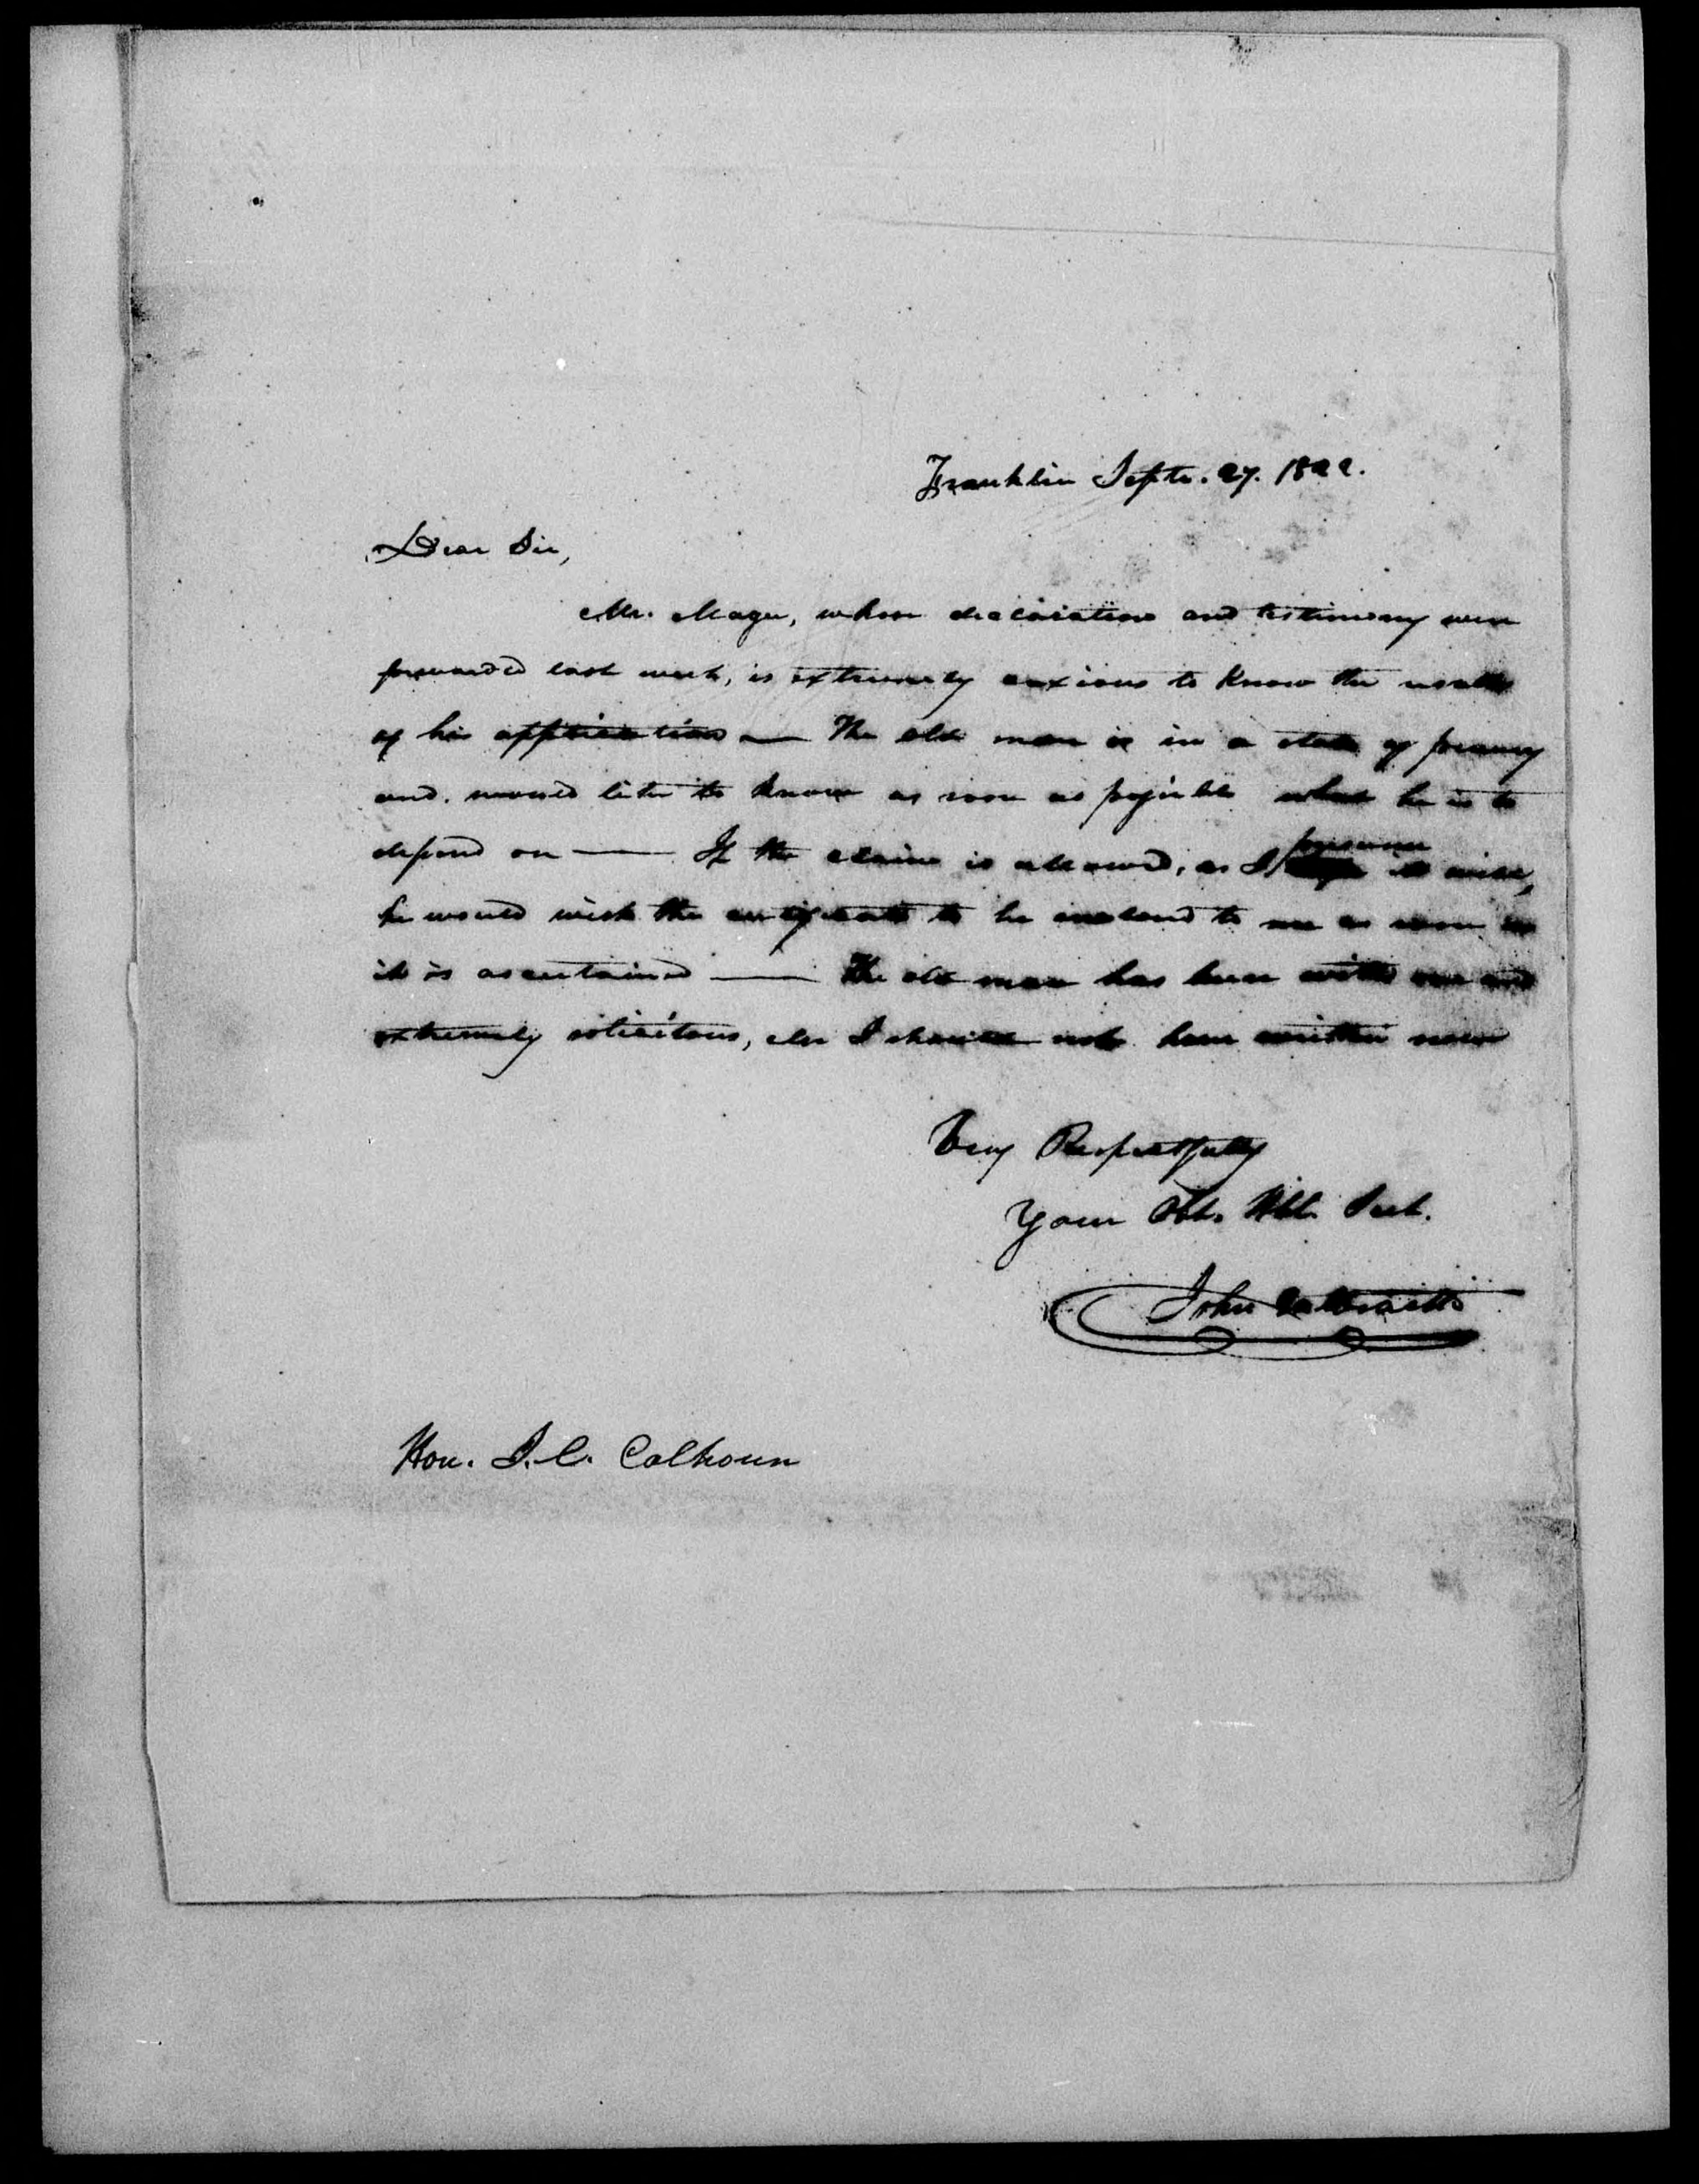Franklin Sept. 27. 1842 
Dear Sir
Mr. Mage, whose declaration and testimony were provided last week, is extremely anxious to know the [illegible] of his application. The old man is in a state of [illegible] and would like to know as soon as possible what he is to depend on. If the claim is allowed, as I [illegible] it will be, he would wish the certificate to is inclosed to me as soon as it is ascertained. The old man has been [illegible] extremely solicitous, also I should [illegible] have written sooner.
Very Respectfully
You obt. Hbl. Servt.
John Galbraith
Hon. J.C. Calhoun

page: 37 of 77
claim: widow's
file: W 2954, for James Mc Gee, Delaware